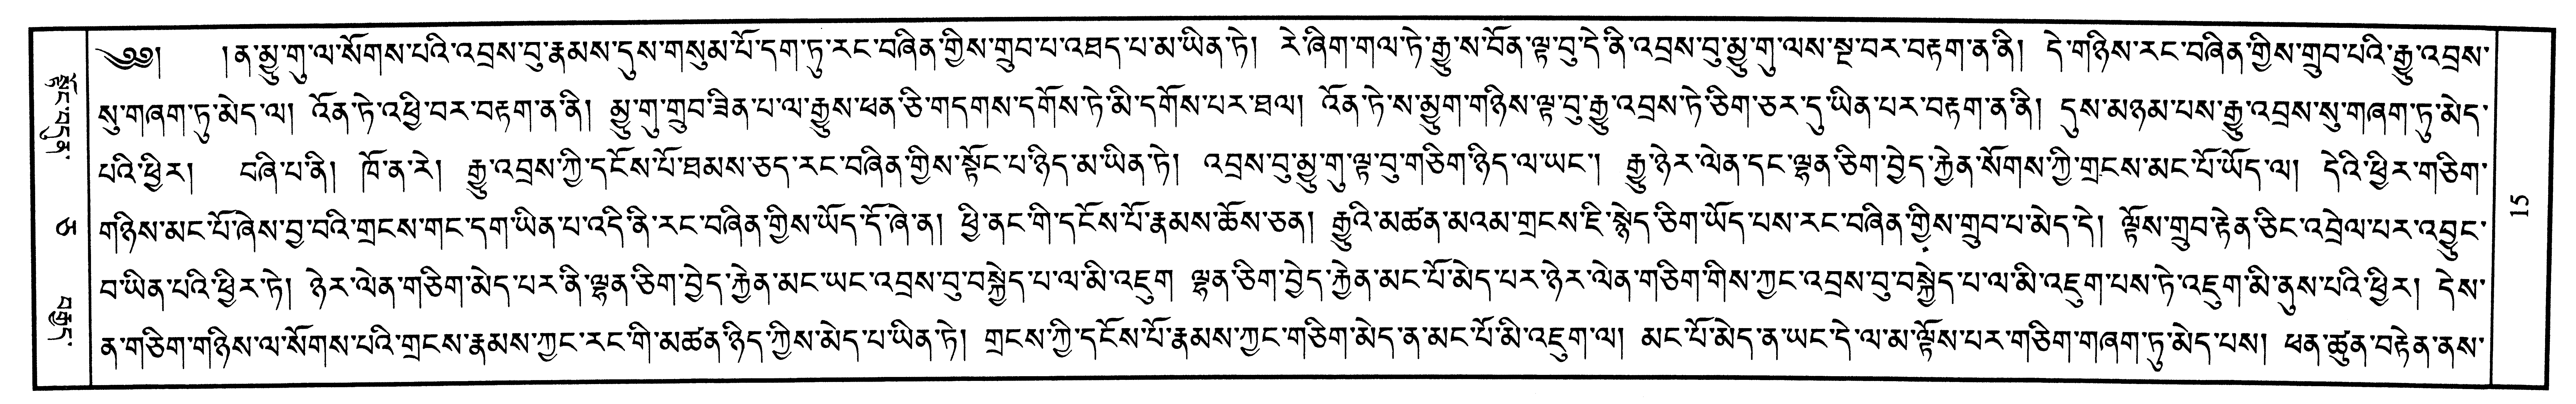༄༅། །ན་མྱུ་གུ་ལ་སོགས་པའི་འབྲས་བུ་རྣམས་དུས་གསུམ་པོ་དག་ཏུ་རང་བཞིན་གྱིས་གྲུབ་པ་འཐད་པ་མ་ཡིན་ཏེ། རེ་ཞིག་གལ་ཏེ་རྒྱུ་ས་བོན་ལྟ་བུ་དེ་ནི་འབྲས་བུ་མྱུ་གུ་ལས་སྔ་བར་བརྟག་ན་ནི། དེ་གཉིས་རང་བཞིན་གྱིས་གྲུབ་པའི་རྒྱུ་འབྲས་
སུ་གཞག་ཏུ་མེད་ལ། འོན་ཏེ་འཕྱི་བར་བརྟག་ན་ནི། མྱུ་གུ་གྲུབ་ཟིན་པ་ལ་རྒྱུས་ཕན་ཅི་གདགས་དགོས་ཏེ་མི་དགོས་པར་ཐལ། འོན་ཏེ་ས་མྱུག་གཉིས་ལྟ་བུ་རྒྱུ་འབྲས་ཏེ་ཅིག་ཅར་དུ་ཡིན་པར་བརྟག་ན་ནི། དུས་མཉམ་པས་རྒྱུ་འབྲས་སུ་གཞག་ཏུ་མེད་
པའི་ཕྱིར། བཞི་པ་ནི། ཁོ་ན་རེ། རྒྱུ་འབྲས་ཀྱི་དངོས་པོ་ཐམས་ཅད་རང་བཞིན་གྱིས་སྟོང་པ་ཉིད་མ་ཡིན་ཏེ། འབྲས་བུ་མྱུ་གུ་ལྟ་བུ་གཅིག་ཉིད་ལ་ཡང་། རྒྱུ་ཉེར་ལེན་དང་ལྷན་ཅིག་བྱེད་རྐྱེན་སོགས་ཀྱི་གྲངས་མང་པོ་ཡོད་ལ། དེའི་ཕྱིར་གཅིག་
གཉིས་མང་པོ་ཞེས་བྱ་བའི་གྲངས་གང་དག་ཡིན་པ་འདི་ནི་རང་བཞིན་གྱིས་ཡོད་དོ་ཞེ་ན། ཕྱི་ནང་གི་དངོས་པོ་རྣམས་ཆོས་ཅན། རྒྱུའི་མཚན་མའམ་གྲངས་ཇི་སྙེད་ཅིག་ཡོད་པས་རང་བཞིན་གྱིས་གྲུབ་པ་མེད་དེ། ལྟོས་གྲུབ་རྟེན་ཅིང་འབྲེལ་པར་འབྱུང་
བ་ཡིན་པའི་ཕྱིར་ཏེ། ཉེར་ལེན་གཅིག་མེད་པར་ནི་ལྷན་ཅིག་བྱེད་རྐྱེན་མང་ཡང་འབྲས་བུ་བསྐྱེད་པ་ལ་མི་འཇུག་ལྷན་ཅིག་བྱེད་རྐྱེན་མང་པོ་མེད་པར་ཉེར་ལེན་གཅིག་གིས་ཀྱང་འབྲས་བུ་བསྐྱེད་པ་ལ་མི་འཇུག་པས་ཏེ་འཇུག་མི་ནུས་པའི་ཕྱིར། དེས་
ན་གཅིག་གཉིས་ལ་སོགས་པའི་གྲངས་རྣམས་ཀྱང་རང་གི་མཚན་ཉིད་ཀྱིས་མེད་པ་ཡིན་ཏེ། གྲངས་ཀྱི་དངོས་པོ་རྣམས་ཀྱང་གཅིག་མེད་ན་མང་པོ་མི་འཇུག་ལ། མང་པོ་མེད་ན་ཡང་དེ་ལ་མ་ལྟོས་པར་གཅིག་གཞག་ཏུ་མེད་པས། ཕན་ཚུན་བརྟེན་ནས་